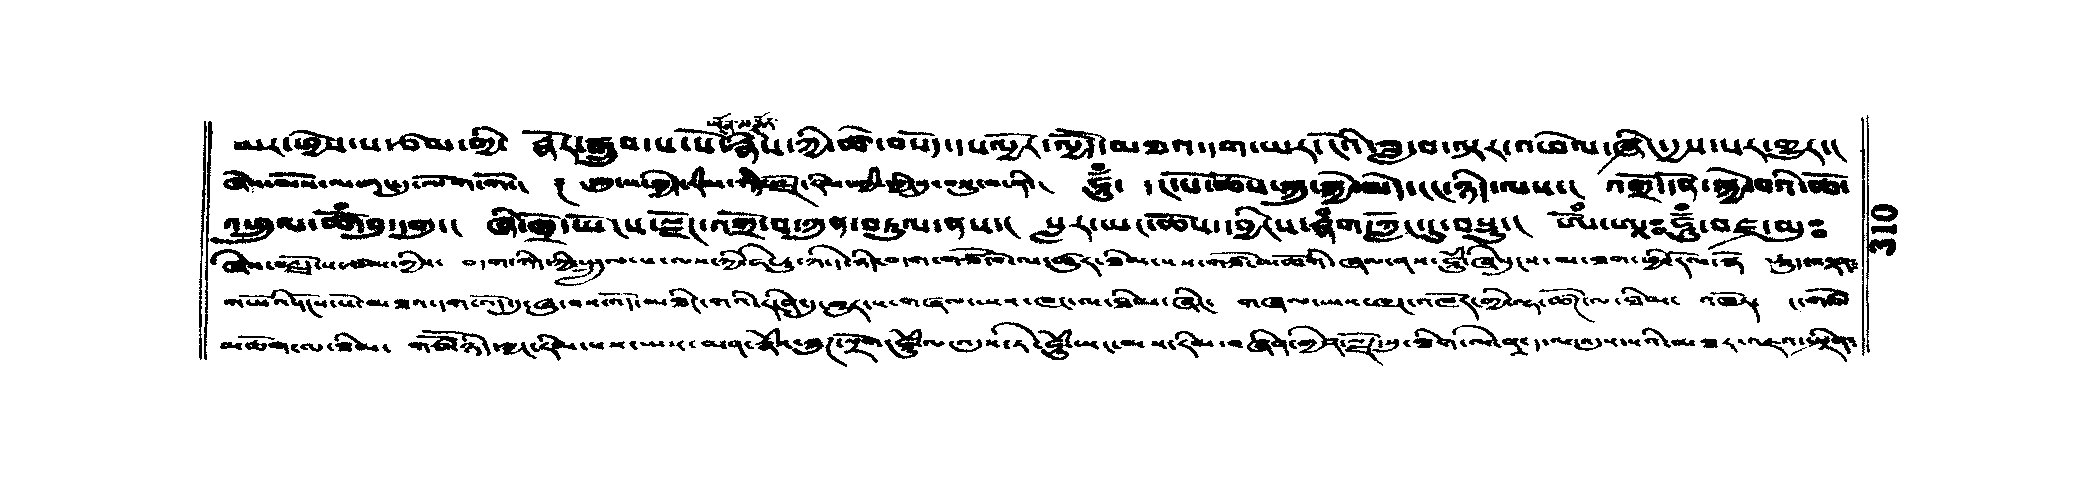ཡར་ཕྱེས་པ་ཙམ་གྱི། རྣལ་འབྱོར་སྒྲུབ་པ་པོ་ཡོན་མཆོད་རྣམས་ཀྱི་ཚེ་བསོད་དཔལ་འབྱོར་མཐའ་དག་ཡར་ངོའི་ཟླ་བ་ལྟར་འཕེལ་ཞིང་རྒྱས་པར་གྱུར། 
ཞེས་མོས་ལ་ནང་དུ་ལོག་གོ་ ༈ དགུ་པ་བསྐྱེད་རིམ་ཉིད་རྫོགས་རིམ་གྱི་དབྱིངས་སུ་བསྡུ་བ་ནི། ཧཱུྃ། དང་པོ་ཆོས་སྐུ་སྐྱེ་མེད་ངང་ཉིད་ལས། །འགྲོ་དོན་སྐྱེ་བའི་ཆོ་
འཕྲུལ་ཚོམ་བུ་དགུ་ཞི་ཁྲོ་ཡོངས་རྫོགས་འགྲོ་བ་ཀུན་བཏུལ་ནས། །སླར་ཡང་ཆོས་དབྱིངས་རྣམ་དག་ཀློང་དུ་བསྡུ། ཨོཾ་ཨཱ་ཧཱུྃ་ར་ཡངགཙོ་མཆོབཛྲ་མུཿ 
ཞེས་བརྗོད་པ་ཙམ་གྱིས། བདག་ཉིད་ཀྱི་སྤྲུལ་པ་ལས་ཀྱི་ཧེ་རུ་ཀ་དེ་ཉིད་བདག་གཙོ་བོ་ལ་ཚུར་ཐིམ་གཙོ་མཆོག་གི་ཞལ་ནས་ཧཱུྃ་ཞེས་གསུངས་མ་ཐག་ཕྱི་རོལ་སྣོད་བཅུད་བརྟན་
གཡོའི་དངོས་པོ་མཐའ་དག་འོད་དུ་ཞུ་བས་འོད་མཐིང་གའི་རང་བཞིན་དུ་གྱུར་པ་གཞལ་ཡས་ཁང་ལ་ཐིམ་ཞིང་། གཞལ་ཡས་ཁང་འཁོར་གྱི་ལྷ་ཚོགས་ལ་ཐིམ། འཁོར་ ང་གཙོ་
མཆོག་ལ་ཐིམ་ ཉིད་ཀྱང་རིམ་པས་ཡས་མན་རྣམས་ཐུགས་སྲོག་ཧཱུྃ་ལ་འདུས་ཏེ་ཧཱུྃ་ཡང་མས་རིམ་བཞིན་གྱེན་རྫོགས་སུ་ཐིག་ལེ་ནཱ་ད་ལ་འདུས་པའི་མཐར་འཇའ་སྤྲིན་